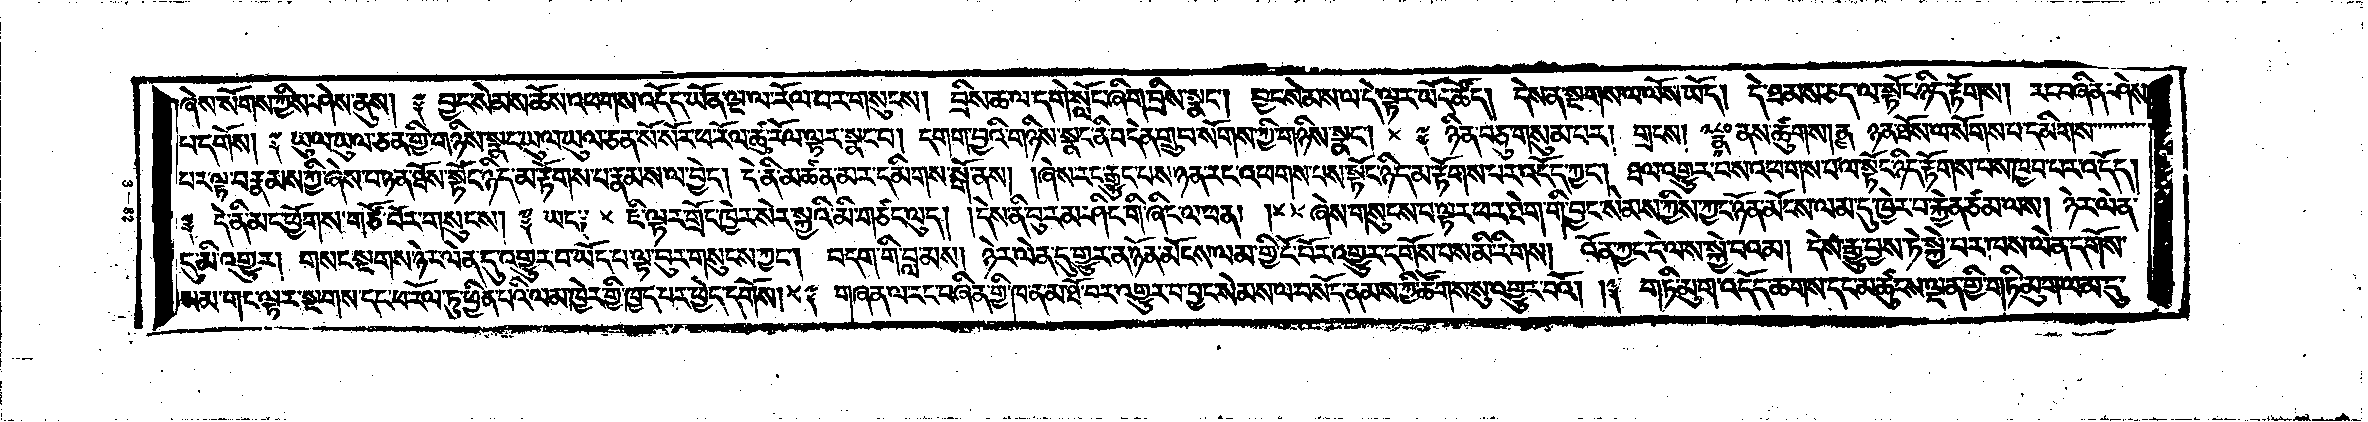ཞེས་སོགས་ཀྱིས་ཤེས་ནུས། ༈ བྱང་སེམས་ཆོས་འཕགས་འདོད་ཡོན་ལྔ་ལ་རོལ་བར་གསུངས། བྲིས་ཆ་ལ་དགེ་སློང་ཞིག་བྲིས་སྣང་། བྱང་སེམས་ལ་དེ་ལྟར་ཡོད་ཚོད། དེས་ན་སྔགས་ལ་ལོས་ཡོད། དེ་ཐམས་ཅད་ལ་སྟོང་ཉིད་རྟོགས། རང་བཞིན་ཤེས་
པ་དགོས། ༈ ཡུལ་ཡུལ་ཅན་གྱི་གཉིས་སྣང་ཡུལ་ཡུལ་ཅན་སོ་སོར་ཕ་རོལ་ཚུ་རོལ་ལྟར་སྣང་བ། དགག་བྱའི་གཉིས་སྣང་ནི་བདེན་གྲུབ་སོགས་ཀྱི་གཉིས་སྣང་། ྾་༈ ཉིན་བཅུ་གསུམ་པར། གྲངས། ༢༨༠ན༡་ནས་ཚུགས། ན༤་ཉན་ཐོས་ལ་སོགས་པ་དམིགས་
པར་ལྟ་བ་རྣམས་ཀྱི་ཞེས་པ་ཉན་ཐོས་སྟོང་ཉིད་མ་རྟོགས་པ་རྣམས་ལ་བྱེད། དེ་ནི་མཚན་མར་དམིགས་སྒོ་ནས། །ཞེས་རང་རྒྱུད་པས་ཉན་རང་འཕགས་པས་སྟོང་ཉིད་མ་རྟོགས་པར་འདོད་ཀྱང་། ཐལ་འགྱུར་བས་འཕགས་པ་ལ་སྟོང་ཉིད་རྟོགས་པས་ཁྱབ་པར་འདོད།
༈ དེ་ནི་མང་ཕྱོགས་གཙོ་བོར་གསུངས། ༈ ཡང༑ ྾་ཇི་ལྟར་གྲོང་ཁྱེར་སེར་སྐྱའི་མི་གཙང་ལུད། །དེས་ནི་བུར་མ་ཤིང་གི་ཞིང་ལ་ཕན། །྾་྾་ཞེས་གསུངས་པ་ལྟར་ཕར་ཐེག་གི་བྱང་སེམས་ཀྱིས་ཀྱང་ཉོན་མོངས་ལམ་དུ་ཁྱེར་བ་རྐྱེན་ཙམ་ལས། ཉེར་ལེན་
དུ་མི་འགྱུར། གསང་སྔགས་ཉེར་ལེན་དུ་འགྱུར་བ་ཡོད་པ་ལྟ་བུར་གསུངས་ཀྱང་། བདག་གི་བླ་མས། ཉེར་ལེན་དུ་གྱུར་ན་ཉོན་མོངས་ལམ་གྱི་ངོ་བོར་འགྱུར་དགོས་པས་མི་རིགས། འོན་ཀྱང་དེ་ལས་སྐྱེ་བའམ། དེས་རྒྱུ་བྱས་ཏེ་སྐྱེ་བར་ཁས་ལེན་དགོས་
སམ་གང་ལྟར་སྔགས་དང་ཕ་རོལ་ཏུ་ཕྱིན་པའི་ལམ་ཁྱེར་གྱི་ཁྱད་པར་ཕྱེད་དགོས། ྾་༈ གཞན་ལ་རང་བཞིན་གྱི་ཁ་ན་མ་ཐོ་བར་འགྱུར་བ་བྱང་སེམས་ལ་བསོད་ནམས་ཀྱི་ཚོགས་སུ་འགྱུར་བའོ། །༈ གཏི་མུག་འདོད་ཆགས་དང་མཚུངས་ལྡན་གྱི་གཏི་མུག་ལམ་དུ་